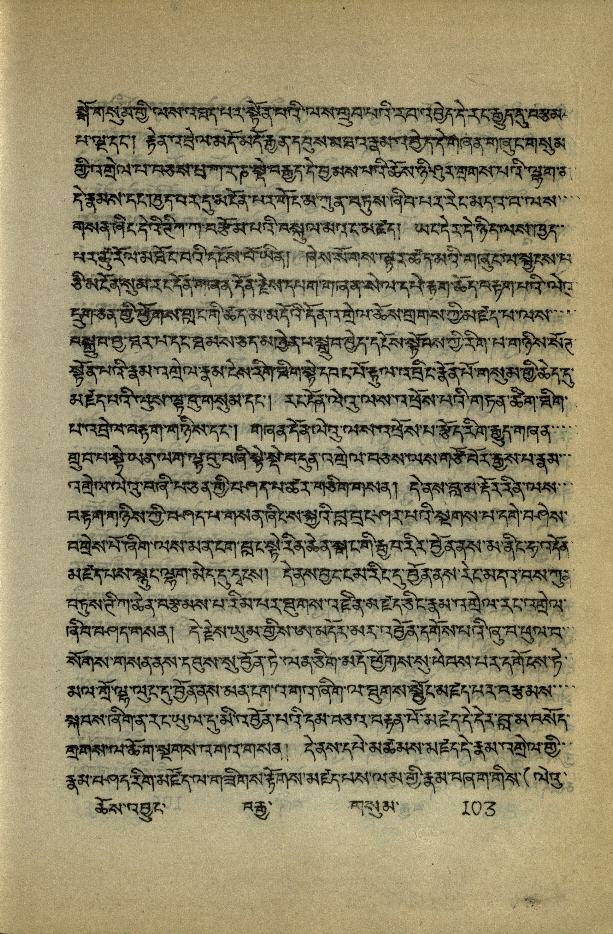སྒོ་གསུམ་གྱི་ལས་འཐད་པར་སྟོན་པའི་ལས་གྲུབ་པའི་རབ་འབྱེད་དེ་རང་རྒྱུད་དུ་བརྩམས་
པ་ལྔ་དང་། རྟེན་འབྲེལ་མདོ་མདོ་རྒྱན་དབུས་མཐའ་རྣམ་འབྱེད་དེ་གཞན་གཞུང་གསུམ་
གྱི་འགྲེལ་པ་བཅས་པྲ་ག་ར་ཎ་སྡེ་བརྒྱད་དེ་བྱམས་པའི་ཆོས་ཉི་ཤུར་གྲགས་པའི་ལྷག་མ་
དེ་རྣམས་དང་ཁྱད་པར་དུ་མངོན་པར་གོང་མ་ཀུན་བཏུས་ཞིབ་པར་རེང་མདའ་བ་ལས་
གསན་ཞིང་དེའི་ཊིཀྐ་བརྩོམ་པའི་བསྐུལ་མའང་མཛད། ཡང་དེར་དེ་ཉིད་ལས་ཁྱད་
པར་ཚུ་རོལ་མཐོང་བའི་དངོས་པོ་ཡིན། ཞེས་སོགས་ལྟར་ཚད་མའི་གཞུང་ལ་སྦྱངས་པ་
ཅི་མངོན་སུམ་རང་དོན་གཞན་དོན་རྗེས་དཔག་གཞན་སེལ་དཔེ་རྟག་ཆོད་བརྟག་པའི་ལེའུ་
དྲུག་ཅན་གྱི་ཕྱོགས་གླང་གི་ཚད་མ་མདོའི་དོན་འགྲེལ་ཆོས་གྲགས་ཀྱི་མཛད་པ་ལས་
བསྒྲུབ་བྱ་ཐར་པ་དང་ཐམས་ཅད་མཁྱེན་པ་སྒྲུབ་བྱེད་དངོས་སྟོབས་ཀྱི་རིག་པ་གཉིས་སོཌ་
སྟོན་པའི་རྣམ་འགྲེལ་རྣམ་ངེས་རིག་ཐིག་སྟེ་དབང་པོ་རྟུལ་འབྲིང་རྣོན་པོ་གསུམ་གྱི་ཆེད་དུ་
མཛད་པའི་ལུས་ལྟ་བུ་གསུམ་དང་། རང་དོན་ལེའུ་ལས་འཕྲོས་པའི་གཏན་ཚིག་ཐིག་
པ་འབྲེལ་བརྟག་གཉིས་དང་། གཞན་དོན་ལེའུ་ལས་འཕྲོས་པ་རྩོད་རིག་རྒྱུད་གཞན་
གྲུབ་པ་སྟེ་ཡན་ལག་ལྟ་བུ་བཞི་སྟེ་སྡེ་བདུན་འགྲེལ་བཅས་ལས་གཙོ་བོར་རྒྱས་པ་རྣམ་
འགྲེལ་ལེའུ་བཞི་པ་ཅན་གྱི་བཤད་པ་ཚར་གཅིག་གསན། དེ་ནས་བླ་མ་རྡོར་རིན་ལས་
བརྟག་གཉིས་ཀྱི་བཤད་པ་གསན་ཞིང་ས་སྐྱའི་བླ་བྲང་ཤར་པའི་སྔགས་པ་དགེ་བཤེས་
བགྲེས་པོ་ཞིག་ལས་མན་ངག་བླང་སྟེ་རིན་ཆེན་སྒང་གི་རྒྱ་བ་རིར་བྱོན་ནས་མ་ནིང་ཧ་འདོན་
མཛད་པས་སྙུང་ལྷག་མེད་དུ་དྭངས། དེ་ནས་བྱང་ངམ་རིང་དུ་བྱོན་ནས་རེང་མདའ་བས་ཀུན་
བཏུས་ཊིཀ་ཆེན་བརྩམས་པ་རིམ་པར་ཐུགས་འཛིན་མཛད་ཅིང་རྣམ་འགྲེལ་རང་འགྲེལ་
ཞིབ་བཤད་གསན། དེ་རྗེས་ཡུམ་གྱིས་ཨ་མདོར་མར་འབྱོན་དགོས་པའི་ཞུ་བ་ཕུལ་བ་
སོགས་གསན་ནས་དབུས་སུ་བྱོན་ཏེ་ལན་ཅིག་མདོ་ཕྱོགས་སུ་ཕེབས་པར་དགོངས་ཏེ་
མལ་གྲོ་ལྷ་ལུང་དུ་བྱོན་ནས་མན་ངག་འགའ་ཞིག་ལ་ཐུགས་སྦྱོང་མཛད་པར་བརྩམས་
སྐབས་ཞིག་ན་རང་ཡུལ་དུ་མི་འབྱོན་པའི་དམ་བཅའ་བརྟན་པོ་མཛད་དེ་དེར་བླ་མ་བསོད་
གྲགས་ལ་ཆོ་ག་སྔགས་འགའ་གསན། དེ་ནས་དཔེ་མཚམས་མཛད་དེ་རྣམ་འགྲེལ་གྱི་
རྣམ་བཤད་རིག་མཛོད་ལ་གཟིགས་རྟོགས་མཛད་པས་ལམ་གྱི་རྣམ་བཞག་གིས་ལེའུ་